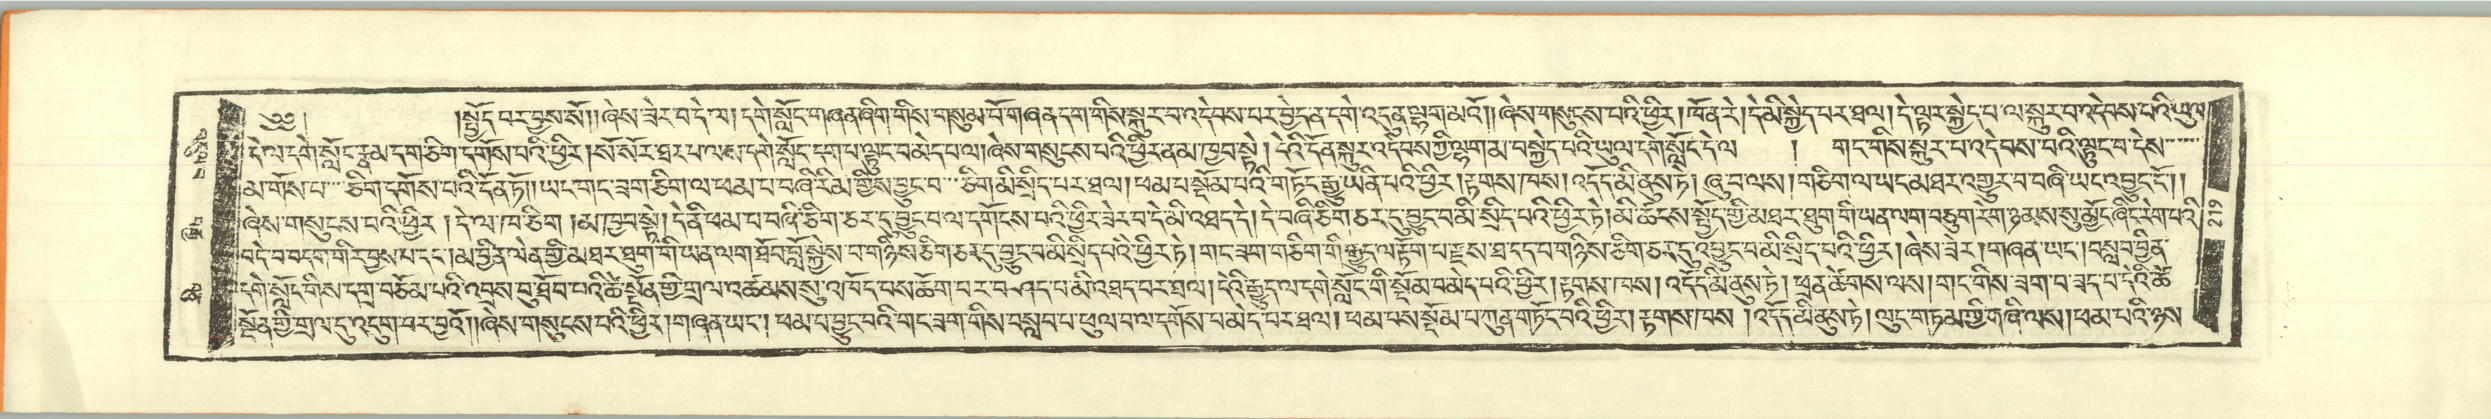༄༅། །སྦྱོད་པར་བྱས་སོ། །ཞེས་ཟེར་བ་དེ་ལ། དགེ་སློག་གཞན་ཞིག་གིས་གསུམ་པོ་གཞན་དག་གིས་སྐུར་བ་འདེབས་པར་བྱེད་ན་དགེ་འདུན་ལྷག་མའོ། །ཞེས་གསུངས་པའི་ཕྱིར། ཁོ་ན་རེ། དེ་མི་སྐྱེད་པར་ཐལ། དེ་ལྟར་སྐྱེད་པ་ལ་སྐུར་བ་འདེབས་པའི་ཡུལ་
དེ་ལ་དགེ་སློང་རྣམ་དག་ཅིག་དགོས་པའི་ཕྱིར། སོ་སོར་ཐར་པ་ལས་དགེ་སློང་དག་པ་ལྟུང་བ་མེད་པ་ལ། ཞེས་གསུངས་པའི་ཕྱིར་ན་མ་ཁྱབ་སྟེ། དེའི་དོན་སྐུར་འདེབས་ཀྱི་ལྷག་མ་བསྐྱེད་པའི་ཡུལ་དགེ་སློང་དེ་ལ། གང་གིས་སྐུར་པ་འདེབས་པའི་ལྟུང་བ་དེས་
མ་གོས་པ་ཅིག་དགོས་པའི་དོན་ཏོ། །ཡང་གང་ཟག་ཅིག་ལ་ཕམ་པ་བཞི་རིམ་གྱིས་བྱུང་བ་ཅིག་མི་སྲིད་པར་ཐལ། ཕམ་པ་སྡོམ་པའི་གཏོང་རྒྱུ་ཡིན་པའི་ཕྱིར། རྟགས་ཁས། འདོད་མི་ནུས་ཏེ། ཞུ་བ་ལས། གཅིག་ལ་ཡང་མཐར་འགྱུར་བ་བཞི་ཡང་འབྱུང་ངོ། །
ཞེས་གསུངས་པའི་ཕྱིར། དེ་ལ་ཁ་ཅིག། མ་ཁྱབ་སྟེ། དེ་ནི་ཕམ་པ་བཞི་ཅིག་ཅར་དུ་བྱུང་བ་ལ་དགོངས་པའི་ཕྱིར་ཟེར་བ་དེ་མི་འཐད་དེ། དེ་བཞི་ཅིག་ཅར་དུ་བྱུང་བ་མི་སྲིད་པའི་ཕྱིར་ཏེ། མི་ཚངས་སྦྱོད་གྱི་མཐར་ཐུག་གི་ཡན་ལག་བཅུག་རེག་ཉམས་སུ་མྱོང་ཞིང་རེག་པའི་
བདེ་བ་བདག་གིར་བྱས་པ་དང་། མ་བྱིན་ལེན་གྱི་མཐར་ཐུག་གི་ཡན་ལག་ཐོབ་བློ་སྐྱེས་པ་གཉིས་ཅིག་ཅར་དུ་བྱུང་བ་མི་སྲིད་པའི་ཕྱིར་ཏེ། གང་ཟག་གཅིག་གི་རྒྱུད་ལ་རྟོག་པ་རྫས་ཐ་དད་པ་གཉིས་ཅིག་ཅར་དུ་འབྱུང་བ་མི་སྲིད་པའི་ཕྱིར། ཞེས་ཟེར། གཞན་ཡང་། བསླབ་བྱིན་
དགེ་སློང་གིས་དགྲ་བཅོམ་པའི་འབྲས་བུ་ཐོབ་པའི་ཚེ་སྔོན་གྱི་གྲལ་འཚམས་སུ་འཁོང་བས་ཆོག་པར་བཤད་པ་མི་འཐད་པར་ཐལ། དེའི་རྒྱུད་ལ་དགེ་སློང་གི་སྡོམ་པ་མེད་པའི་ཕྱིར། རྟགས་ཁས། འདོད་མི་ནུས་ཏེ། ཕྲན་ཚེགས་ལས། གང་གིས་ཟག་བ་ཟད་པ་དེའི་ཚེ་
སྔོན་གྱི་གྲལ་དུ་འདུག་བར་བྱའོ། །ཞེས་གསུངས་པའི་ཕྱིར། གཞན་ཡང་། ཕམ་པ་བྱུང་བའི་གང་ཟག་གིས་བསླབ་པ་ཕུལ་བ་ལ་དགོས་པ་མེད་པར་ཐལ། ཕམ་བས་སྡོམ་པ་ཀུན་གཏོང་བའི་ཕྱིར། རྟགས་ཁས། འདོད་མི་ནུས་ཏེ། ལུང་གཏམ་གྱི་གཞི་ལས། ཕམ་པའི་ཉས་